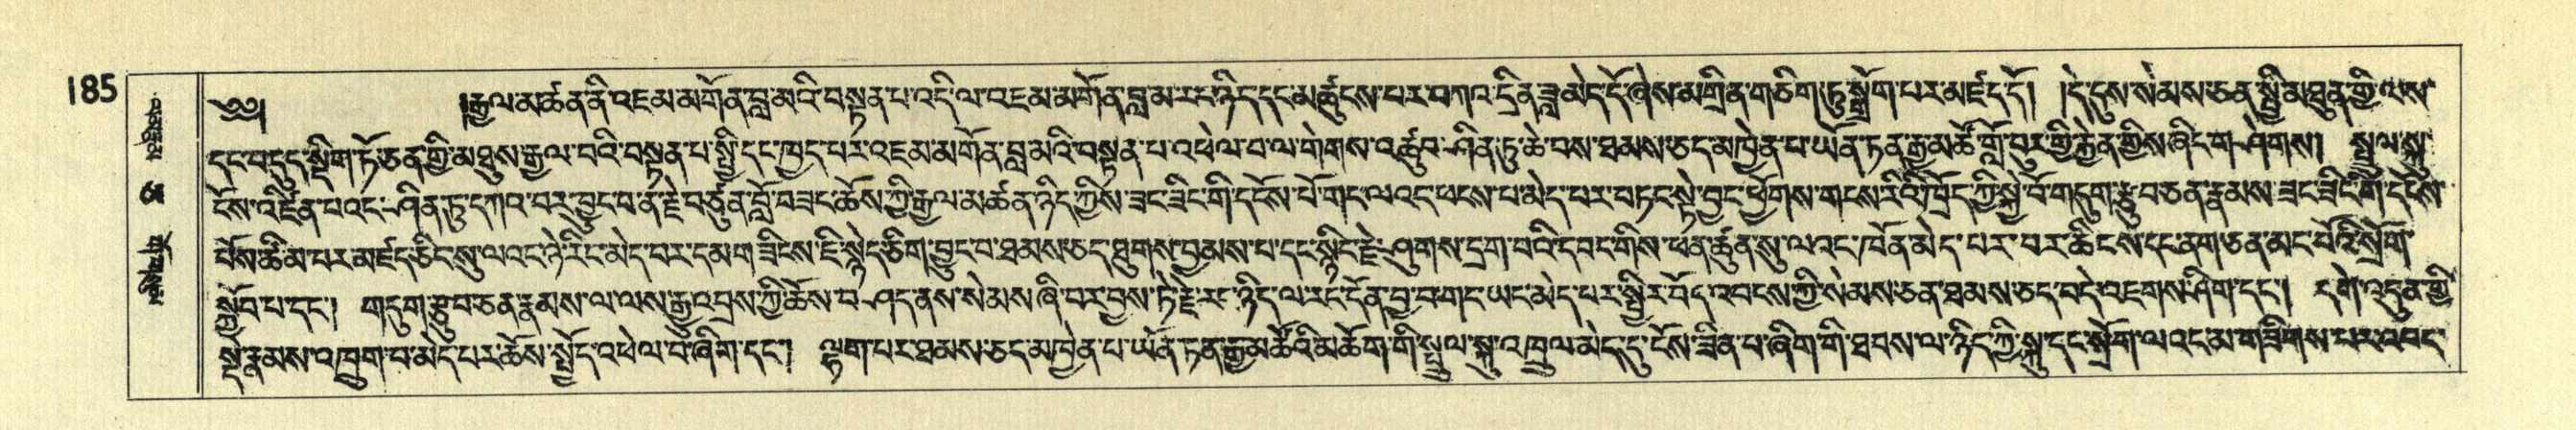༄༅། །རྒྱལ་མཚན་ནི་འཇམ་མགོན་བླ་མའི་བསྟན་པ་འདི་ལ་འཇམ་མགོན་བླ་མ་རང་ཉིད་དང་མཚུངས་པར་བཀའ་དྲིན་ཟླ་མེད་དོ་ཞེས་མགྲིན་གཅིག་ཏུ་སྒྲོག་པར་མཛད་དོ། །དེ་དུས་སེམས་ཅན་སྤྱི་མཐུན་གྱི་ལས་
དང་བདུད་སྡིག་ཏོ་ཅན་གྱི་མཐུས་རྒྱལ་བའི་བསྟན་པ་སྤྱི་དང་ཁྱད་པར་འཇམ་མགོན་བླ་མའི་བསྟན་པ་འཕེལ་བ་ལ་གེགས་འཚུབ་ཤིན་ཏུ་ཆེ་བས་ཐམས་ཅད་མཁྱེན་པ་ཡོན་ཏན་རྒྱ་མཚོ་གློ་བུར་གྱི་རྐྱེན་གྱིས་ཞིང་གཤེགས། སྤྲུལ་སྐུ་
ངོས་འཛིན་པའང་ཤིན་ཏུ་དཀའ་བར་བྱུང་བ་ན་རྗེ་བཙུན་བློ་བཟང་ཆོས་ཀྱི་རྒྱལ་མཚན་ཉིད་ཀྱིས་ཟང་ཟིང་གི་དངོས་པོ་གང་ལའང་ཕངས་པ་མེད་པར་བཏང་སྟེ་བྱང་ཕྱོགས་གངས་རིའི་ཁྲོད་ཀྱི་སྐྱེ་བོ་གདུག་རྩུབ་ཅན་རྣམས་ཟང་ཟིང་གི་དངོས་
པོས་ཚིམ་པར་མཛད་ཅིང་སུ་ལའང་ཉེ་རིང་མེད་བར་དམག་གཟིངས་ཇི་སྙེད་ཅིག་བྱུང་བ་ཐམས་ཅད་ཐུགས་བྱམས་པ་དང་སྙིང་རྗེ་ཤུགས་དྲག་པའི་དབང་གིས་ཕན་ཚུན་སུ་ལའང་ཁོན་མེད་པར་བར་ཆིངས་དང་ནག་ཅན་མང་པོའི་སྲོག་
སྐྱོབ་པ་དང་། གདུག་རྩུབ་ཅན་རྣམས་ལ་ལས་རྒྱུ་འབྲས་ཀྱི་ཆོས་བཤད་ནས་སེམས་ཞི་བར་བྱས་ཏེ་རྗེ་རང་ཉིད་ལ་རང་དོན་བྱ་བ་གང་ཡང་མེད་པར་སྤྱིར་བོད་འབངས་ཀྱི་སེམས་ཅན་ཐམས་ཅད་བདེ་འཇགས་ཤིག་དང་། དགེ་འདུན་གྱི་
སྡེ་རྣམས་འཁྲུག་པ་མེད་པར་ཆོས་སྤྱོད་འཕེལ་བ་ཞིག་དང་། ལྷག་པར་ཐམས་ཅད་མཁྱེན་པ་ཡོན་ཏན་རྒྱ་མཚོའི་མཆོག་གི་སྤྲུལ་སྐུ་འཁྲུལ་མེད་དུ་ངོས་ཟིན་པ་ཞིག་གི་ཐབས་ལ་ཉིད་ཀྱི་སྐུ་དང་སྒྲོག་ལའང་མ་གཟིས་པར་འབང་